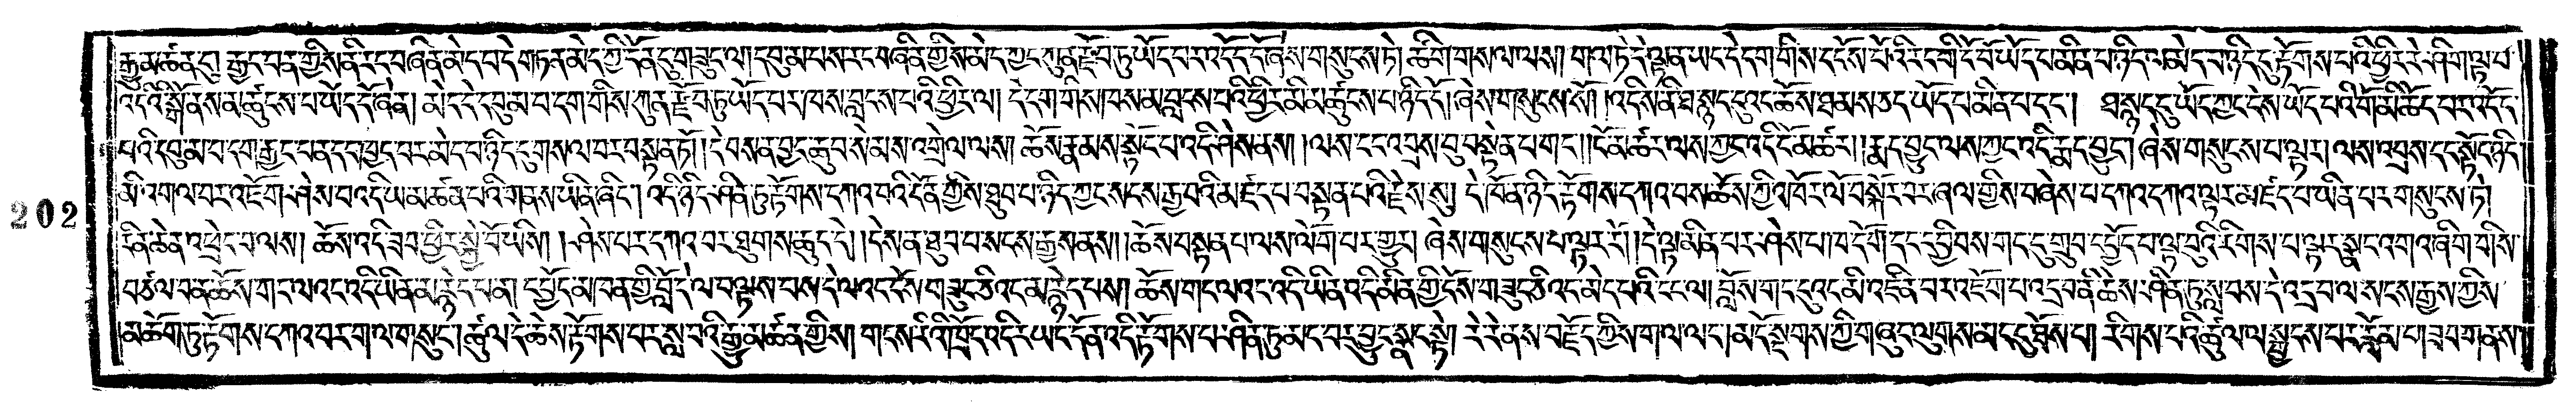རྒྱུ་མཚན་དུ། རྒྱང་བན་གྱིས་ནི་རང་བཞིན་མེད་པ་དེ་གཏན་མེད་ཀྱི་དོན་དུ་གཟུང་ལ། དབུ་མ་པས་རང་བཞིན་གྱིས་མེད་ཀྱང་ཀུན་རྫོབ་ཏུ་ཡོད་པར་འདོད་དོ་ཞེས་གསུངས་ཏེ། ཚིག་གསལ་ལས། གལ་ཏེ་དེ་ལྟ་ན་ཡང་དེ་དག་གིས་དངོས་པོའི་རང་གི་ངོ་བོ་ཡོད་པ་མིན་པ་ཉིད་ལ་མེད་པ་ཉིད་དུ་རྟོགས་པའི་ཕྱིར་རེ་ཤིག་ལྟ་བ་
འདིའི་སྒོ་ནས་མཚུངས་པ་ཡོད་དོ་ཞེན། མེད་དེ་དབུ་མ་པ་དག་གིས་ཀུན་རྫོབ་ཏུ་ཡོད་པར་ཁས་བླངས་པའི་ཕྱིར་ལ། དེ་དག་གིས་ཁས་མ་བླངས་པའི་ཕྱིར་མི་མཚུངས་པ་ཉིད་དོ། ཞེས་གསུངས་སོ། །འདིས་ནི་ཐ་སྙད་དུའང་ཆོས་ཐམས་ཅད་ཡོད་པ་མིན་པ་དང་། ཐ་སྙད་དུ་ཡོད་ཀྱང་དེས་ཡོད་པའི་གོ་མི་ཆོད་པར་འདོད་
པའི་དབུ་མ་བདག་རྒྱད་པ་ན་དང་ཁྱད་པར་མེད་པ་ཉིད་དུ་གསལ་བར་བསྟན་ཏོ། །དེ་བས་ན་བྱང་ཆུབ་སེམས་འགྲེལ་ལས། ཆོས་རྣམས་སྟོང་པ་འདི་ཤེས་ནས། །ལས་དང་འབྲས་བུ་བསྟན་པ་གང་། །ངོ་མཚར་ལས་ཀྱང་འདི་ངོ་མཚར། །རྨད་བྱུང་ལས་ཀྱང་འདི་རྨད་བྱུང་། ཞེས་གསུངས་པ་ལྟར། ལས་འབྲས་དང་སྟོང་ཉིད་
མི་འགལ་བར་འཇོག་ཤེས་པ་འདི་ཡ་མཚན་པའི་གནས་ཡིན་ཞིང་། འདི་ཉིད་ཤིན་ཏུ་རྟོགས་དཀའ་བའི་དོན་གྱིས་ཐུབ་པ་ཉིད་ཀྱང་སངས་རྒྱས་བའི་མཛད་པ་བསྟན་པའི་རྗེས་སུ། དེ་ཁོ་ན་ཉིད་རྟོགས་དཀའ་བས་ཆོས་ཀྱི་འཁོར་ལོ་བསྐོར་བར་ཞལ་གྱིས་བཞེས་པ་དཀའ་དཀའ་ལྟར་མཛད་པ་ཡིན་པར་གསུངས་ཏེ།
རིན་ཆེན་འཕྲེང་བ་ལས། ཆོས་འདི་ཟབ་ཕྱིར་སྐྱེ་བོ་ཡིས། །ཤེས་པར་དཀའ་བར་ཐུགས་ཆུད་དོ། །དེས་ན་ཐུབ་པ་སངས་རྒྱས་ནས། །ཆོས་བསྟན་པ་ལས་ལོག་པར་གྱུར། ཞེས་གསུངས་པ་ལྟར་རོ། །དེ་ལྟ་མིན་པར་ཤེས་པ་ཁ་དོག་དང་དབྱིབས་གང་དུ་གྲུབ་དཔྱོད་པ་ལྟ་བུའི་རིགས་པ་ལྟར་སྣང་འགའ་ཞིག་གིས་
བཙལ་བ་ན་ཆོས་གང་ལའང་འདི་ཡིན་མ་རྙེད་པ་ན། དཔྱོད་མཁན་གྱི་བློ་དེ་ལ་བལྟས་པས་དེ་ལའང་ངོས་གཟུང་ཅིའང་མ་རྙེད་པས། ཆོས་གང་ལའང་འདི་ཡིན་འདི་མིན་གྱི་དོས་གཟུང་ཅིའང་མེད་པའི་ངང་ལ། བློས་གང་དུའང་མི་འཛིན་པར་འཇོག་པ་འདྲ་བ་ནི་ཆེས་ཤིན་ཏུ་སླབས་དེ་འདྲ་བ་ལ་སངས་རྒྱས་ཀྱིས་
མཆོག་ཏུ་རྟོགས་དཀའ་བར་ག་ལ་གསུང་། ཚུལ་དེ་ཆེས་རྟོགས་པར་སླ་བའི་རྒྱུ་མཚན་གྱིས། གངས་རིའི་ཁྲོད་འདིར་ཡང་དོན་འདི་རྟོགས་པ་ཤིན་ཏུ་མང་བར་བྱུང་སྣང་སྟེ། རེ་རེ་ནས་བརྗོད་ཀྱིས་གལ་ལང་། མདོ་སྔགས་ཀྱི་གཞུང་ལུགས་མང་དུ་ཐོས་པ། རིགས་པའི་ཚུལ་ལ་སྒྱངས་པར་རློམ་པ། ཟབ་གནས་